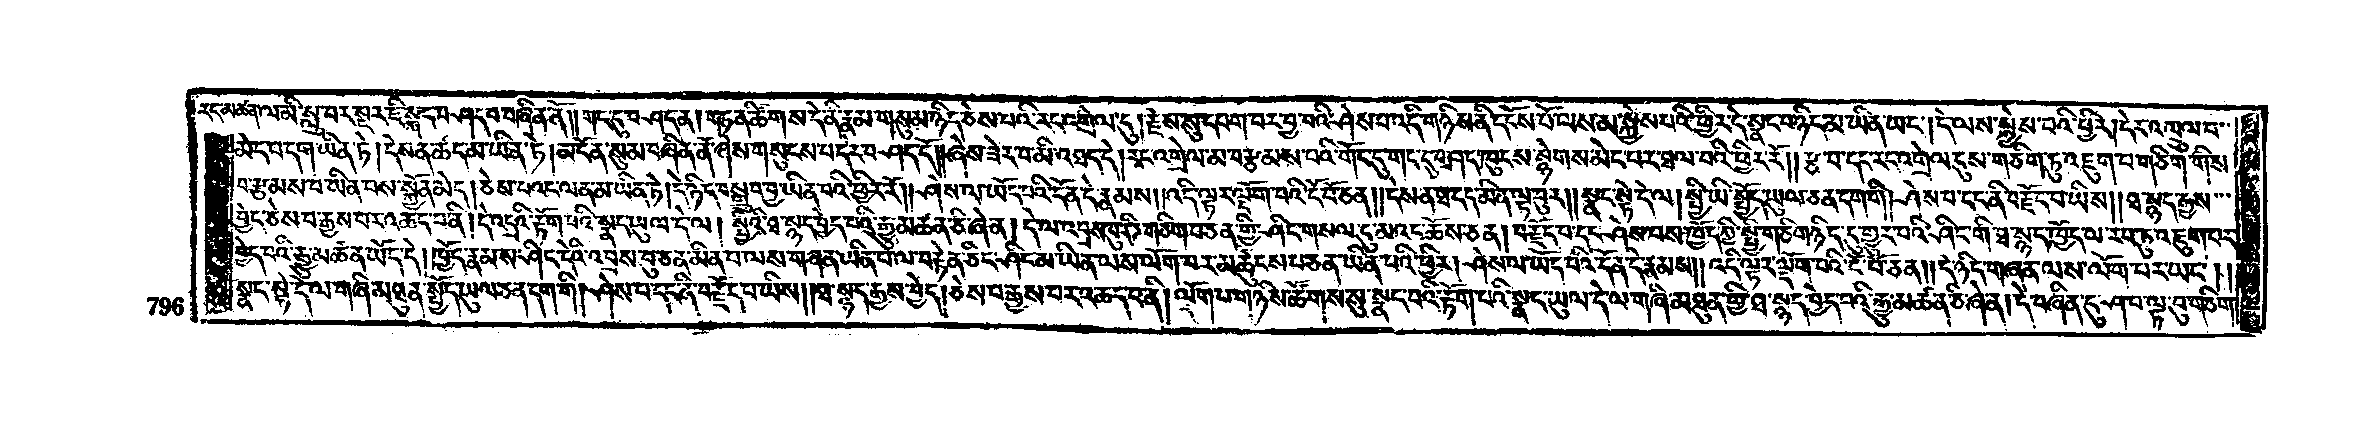རང་མཚན་ལ་མི་སླུ་བར་སྔར་ཇི་སྐད་བཤད་པ་བཞིན་ནོ། །གང་དུ་བཤད་ན། གཏན་ཚིགས་དེ་ནི་རྣམ་གསུམ་ཉིད་ཅེས་པའི་རང་འགྲེལ་དུ། རྗེས་སུ་དཔག་པར་བྱ་བའི་ཤེས་པ་འདི་གཉིས་ནི་དངོས་པོ་ལས་མ་སྐྱེས་པའི་ཕྱིར་དེ་སྣང་བ་ཉིད་མ་ཡིན་ཡང་། དེ་ལས་སྐྱེས་པའི་ཕྱིར། དེར་འཁྲུལ་བ་
མེད་པ་དག་ཡིན་ཏེ། དེས་ན་ཚད་མ་ཡིན་ཏེ། མངོན་སུམ་བཞིན་ནོ་ཞེས་གསུངས་པ་དེར་བཤད་དོ། །ཞེས་ཟེར་བ་མི་འཐད་དེ། རང་འགྲེལ་མ་བརྩམས་པའི་གོང་དུ་གང་དུ་བཤད་ཁུངས་སྙེགས་མེད་པར་ཐལ་བའི་ཕྱིར་རོ། །རྩ་བ་དང་རང་འགྲེལ་དུས་གཅིག་ཏུ་འཇུག་པ་གཅིག་གིས་
བརྩམས་པ་ཡིན་པས་སྐྱོན་མེད། ཅེས་པའང་ལན་མ་ཡིན་ཏེ། དེ་ཉིད་བསྒྲུབ་བྱ་ཡིན་པའི་ཕྱིར་རོ། །ཤེས་ལ་ཡོད་པའི་དོན་དེ་རྣམས། །འདི་ལྟར་ལྡོག་པའི་ངོ་བོ་ཅན། །དེས་ན་ཐ་དད་མིན་ལྟ་བུར། །སྣང་སྟེ་དེ་ལ། སྤྱི་ཡི་སྤྱོད་ཡུལ་ཅན་དག་གི །ཤེས་པ་དང་ནི་བརྗོད་པ་ཡིས། །ཐ་སྙད་རྒྱས་
བྱེད་ཅེས་པ་རྒྱས་པར་འཆད་པ་ནི། དེ་འདྲའི་རྟོག་པའི་སྣང་ཡུལ་དེ་ལ། སྤྱིའི་ཐ་སྙད་བྱེད་པའི་རྒྱུ་མཚན་ཅི་ཞེ་ན། དེ་ལ་འབྲས་བུ་རིགས་གཅིག་པ་ཅན་གྱི་ཤིང་གསལ་དུ་མའང་ཆོས་ཅན། བརྗོད་པ་དང་ཤེས་པས་ཁྱོད་ཀྱི་སྤྱི་གཅིག་ཉིད་དུ་གྱུར་པའི་ཤིང་གི་ཐ་སྙད་ཁྱོད་ལ་རབ་ཏུ་འཇུག་པར་
བྱེད་པའི་རྒྱུ་མཚན་ཡོད་དེ། ཁྱོད་རྣམས་ཤིང་དེའི་འབྲས་བུ་ཅན་མིན་པ་ལས་གཞན་ཡིན་པ་ལ་བརྟེན་ཅིང་ཤིང་མ་ཡིན་ལས་ལོག་པར་མཚུངས་པ་ཅན་ཡིན་པའི་ཕྱིར། ཤེས་ལ་ཡོད་པའི་དོན་དེ་རྣམས། །འདི་ལྟར་ལྡོག་པའི་ངོ་བོ་ཅན། །དེ་ཉིད་གཞན་ལས་ལོག་པར་ཡང།།
སྣང་སྟེ་དེ་ལ་གཞི་མཐུན་སྤྱོད་ཡུལ་ཅན་དག་གི །ཤེས་པ་དང་ནི་བརྗོད་པ་ཡིས། །ཐ་སྙད་རྒྱས་བྱེད། ཅེས་པ་རྒྱས་པར་འཆད་པ་ནི། ལྡོག་པ་གཉིས་ཚོགས་སུ་སྣང་བའི་རྟོག་པའི་སྣང་ཡུལ་དེ་ལ་གཞི་མཐུན་གྱི་ཐ་སྙད་བྱེད་པའི་རྒྱུ་མཚན་ཅི་ཞེ་ན། དེ་བཞིན་དུ་ཤ་བ་ལྟ་བུ་གཅིག་